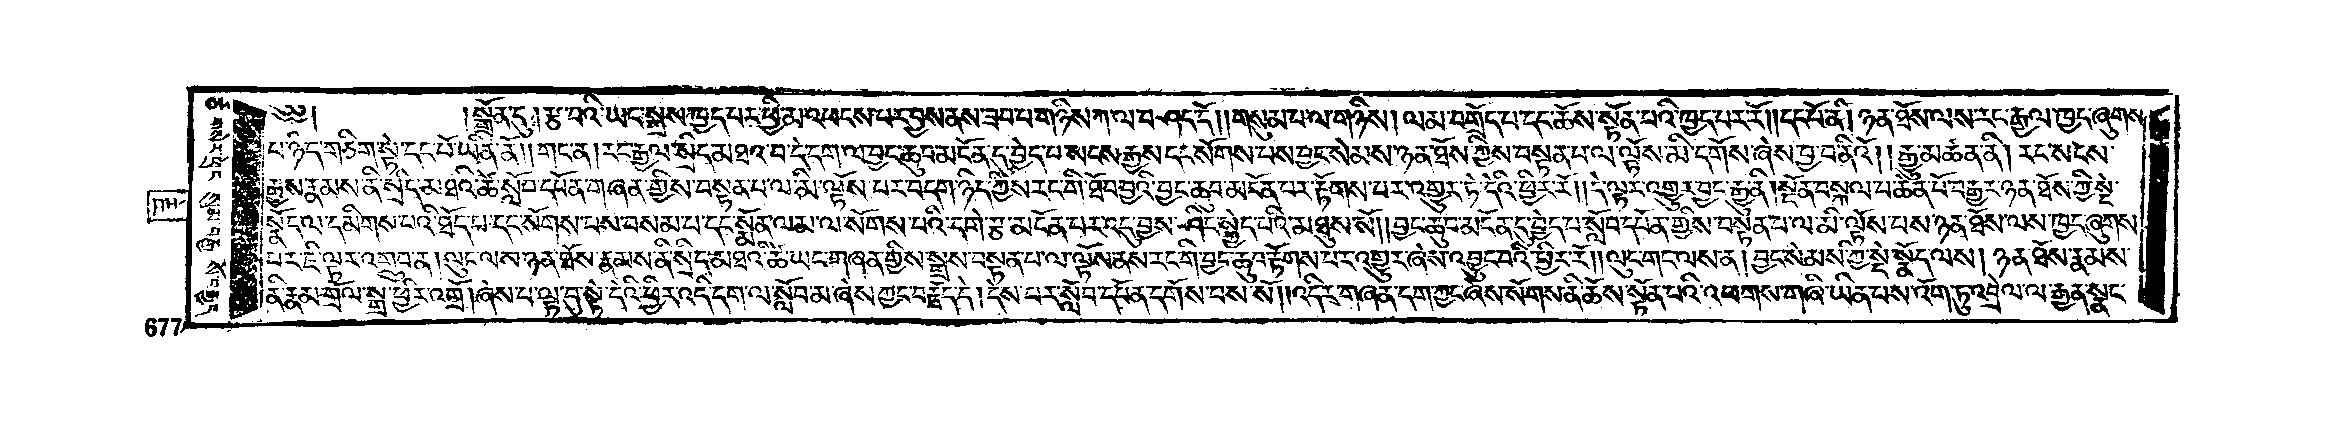༄༅། །སྒྲོན་དུ། རྩ་བའི་ཡང་སྒྲས་ཁྱད་པར་ཕྱི་མ་འཕངས་པར་བྱས་ནས་ཟབ་པ་གཉིས་ཀ་ལ་བཤད་དོ། །གསུམ་པ་ལ་གཉིས། ལམ་བགྲོད་པ་དང་ཆོས་སྟོན་པའི་ཁྱད་པར་རོ། །དང་པོ་ནི། ཉན་ཐོས་ལས་རང་རྒྱལ་ཁྱད་ཞུགས་
པ་ཉིད་གཅིག་སྟེ་དང་པོ་ཡིན་ནོ། །གང་ན། རང་རྒྱལ་སྲིད་མཐའ་བ་དེ་དག་ལ་བྱང་ཆུབ་མངོན་དུ་བྱེད་པ་སངས་རྒྱས་དང་སོགས་པས་བྱང་སེམས་ཉན་ཐོས་ཀྱིས་བསྟན་པ་ལ་ལྟོས་མི་དགོས་ཞེས་བྱ་བ་ནིའོ། །རྒྱུ་མཚན་ནི། རང་སངས་
རྒྱས་རྣམས་ནི་སྲིད་མཐའི་ཚེ་སློབ་དཔོན་གཞན་གྱིས་བསྟན་པ་ལ་མི་ལྟོས་པར་བདག་ཉིད་ཀྱིས་རང་གི་ཐོབ་བྱའི་བྱང་ཆུབ་མངོན་པར་རྟོགས་པར་འགྱུར་ཏེ་དེའི་ཕྱིར་རོ། །དེ་ལྟར་འགྱུར་བྱང་རྒྱུ་ནི། སྔོན་བསྐལ་པ་ཆེན་པོ་བརྒྱར་ཉན་ཐོས་ཀྱི་སྡེ་
སྣོད་ལ་དམིགས་པའི་ཐོད་པ་དང་སོགས་པས་བསམ་པ་དང་སྨོན་ལམ་ལ་སོགས་པའི་དགེ་རྩ་མངོན་པར་འདུ་བྱས་ཤིང་སྐྱེད་པའི་མཐུས་སོ། །བྱང་ཆུབ་མངོན་དུ་བྱེད་པ་སློབ་དཔོན་གྱིས་བསྟན་པ་ལ་མི་ལྟོས་པས་ཉན་ཐོས་ལས་ཁྱད་ཞུགས་
པར་ཇི་ལྟར་འགྲུབ་ན། ལུང་ལས་ཉན་ཐོས་རྣམས་ནི་སྲིད་མཐའི་ཚེ་ཡང་གཞན་གྱིས་སྒྲས་བསྟན་པ་ལ་ལྟོས་ནས་རང་གི་བྱང་ཆུབ་རྟོགས་པར་འགྱུར་ཞེས་འབྱུང་བའི་ཕྱིར་རོ། །ལུང་གང་ལས་ན། བྱང་སེམས་ཀྱི་སྡེ་སྣོད་ལས། ཉན་ཐོས་རྣམས་
ནི་རྣམ་གྲོལ་སྒྲ་ཕྱིར་འགྲོ། ཞེས་པ་ལྟ་བུ་སྟེ་དེའི་ཕྱིར་འདི་དག་ལ་སློབ་མ་ཞེས་ཀྱང་བརྗོད་དེ། ངེས་པར་སློབ་དཔོན་དགོས་པས་སོ། །འདིར་གཞན་དག་ཀྱང་ཞེས་སོགས་ནི་ཆོས་སྟོན་པའི་འཕགས་གཞི་ཡིན་པས་འོག་ཏུ་འབྲེལ་ལ་རྒྱན་སྣང་